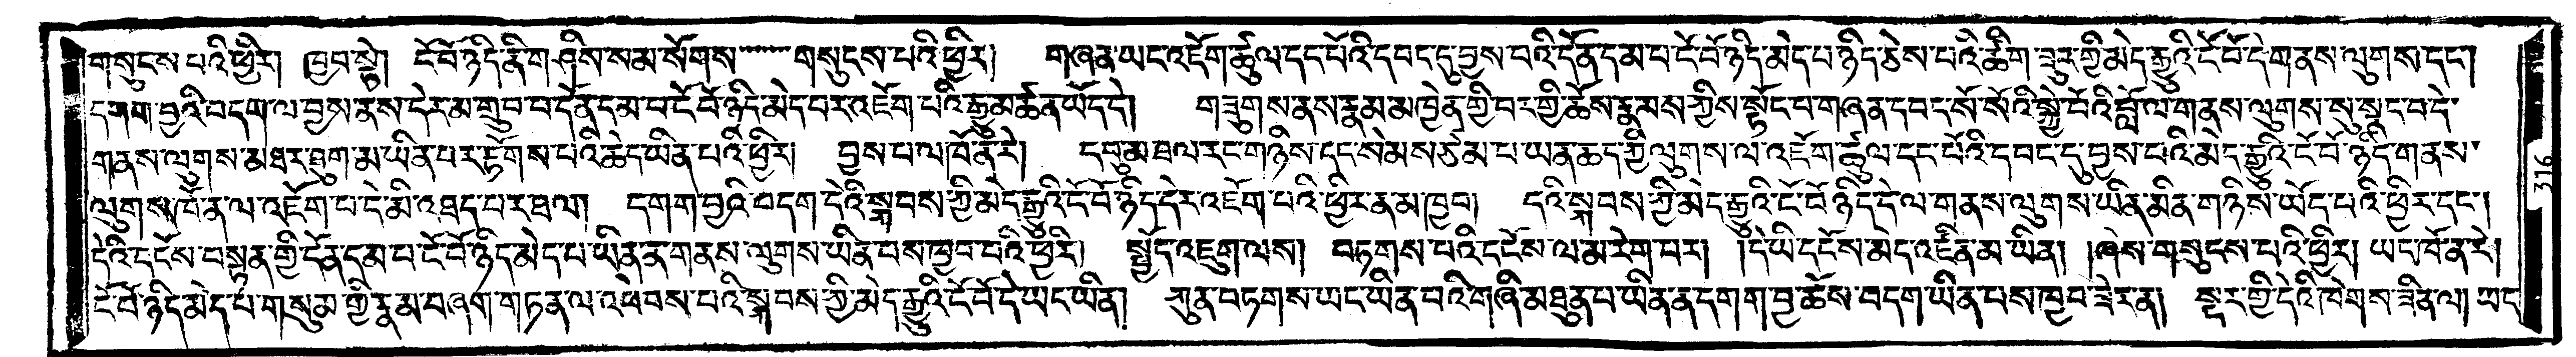གསུངས་པའི་ཕྱིར། ཁྱབ་སྟེ། ངོ་བོ་ཉིད་ནི་གཤིས་སམ་སོགས་གསུངས་པའི་ཕྱིར། གཞན་ཡང་འཇོག་ཚུལ་དང་པོའི་དབང་དུ་བྱས་པའི་དོན་དམ་པ་ངོ་བོ་ཉིད་མེད་པ་ཉིད་ཅེས་པའི་ཚིག་ཟུར་གྱི་མེད་རྒྱུའི་ངོ་བོ་དེ་གནས་ལུགས་དང་།
དགག་བྱའི་བདག་ལ་བྱས་ནས་དེར་མ་གྲུབ་པ་དོན་དམ་པ་ངོ་བོ་ཉིད་མེད་པར་འཇོག་པའི་རྒྱུ་མཚན་ཡོད་དེ། གཟུགས་ནས་རྣམ་མཁྱེན་གྱི་བར་གྱི་ཆོས་རྣམས་ཀྱིས་སྟོང་པ་གཞན་དབང་སོ་སོའི་སྐྱེ་བོའི་བློ་ལ་གནས་ལུགས་སུ་སྣང་བ་དེ་
གནས་ལུགས་མཐར་ཐུག་མ་ཡིན་པར་རྟོགས་པའི་ཆེད་ཡིན་པའི་ཕྱིར། བྱས་པ་ལ་ཁོ་ན་རེ། དབུ་མ་ཐལ་རང་གཉིས་དང་སེམས་ཙམ་པ་ཡན་ཆད་ཀྱི་ལུགས་ལ་འཇོག་ཚུལ་དང་པོའི་དབང་དུ་བྱས་པའི་མེད་རྒྱུའི་ངོ་བོ་ཉིད་གནས་
ལུགས་ཁོ་ན་ལ་འཇོག་པ་དེ་མི་འཐད་པར་ཐལ། དགག་བྱའི་བདག་དེའི་སྐབས་ཀྱི་མེད་རྒྱུའི་ངོ་བོ་ཉིད་དེར་འཇོག་པའི་ཕྱིར་ན་མ་ཁྱབ། དེའི་སྐབས་ཀྱི་མེད་རྒྱུའི་ངོ་བོ་ཉིད་དེ་ལ་གནས་ལུགས་ཡིན་མིན་གཉིས་ཡོད་པའི་ཕྱིར་དང་།
དེའི་དངོས་བསྟན་གྱི་དོན་དམ་པ་ངོ་བོ་ཉིད་མེད་པ་ཡིན་ན་གནས་ལུགས་ཡིན་པས་ཁྱབ་པའི་ཕྱིར། སྤྱོད་འཇུག་ལས། བཏགས་པའི་དངོས་ལ་མ་རེག་བར། །དེ་ཡི་དངོས་མེད་འཛིན་མ་ཡིན། །ཞེས་གསུངས་པའི་ཕྱིར། ཡང་ཁོ་ན་རེ།
ངོ་བོ་ཉིད་མེད་པ་གསུམ་གྱི་རྣམ་བཞག་གཏན་ལ་འབེབས་པའི་སྐབས་ཀྱི་མེད་རྒྱུའི་ངོ་བོ་དེ་ཡང་ཡིན། ཀུན་བཏགས་ཡང་ཡིན་པའི་གཞི་མཐུན་པ་ཡིན་ན་དགག་བྱ་ཆོས་བདག་ཡིན་པས་ཁྱབ་ཟེར་ན། སྔར་གྱི་དེའི་ཁེགས་ཟིན་ལ། ཡང་